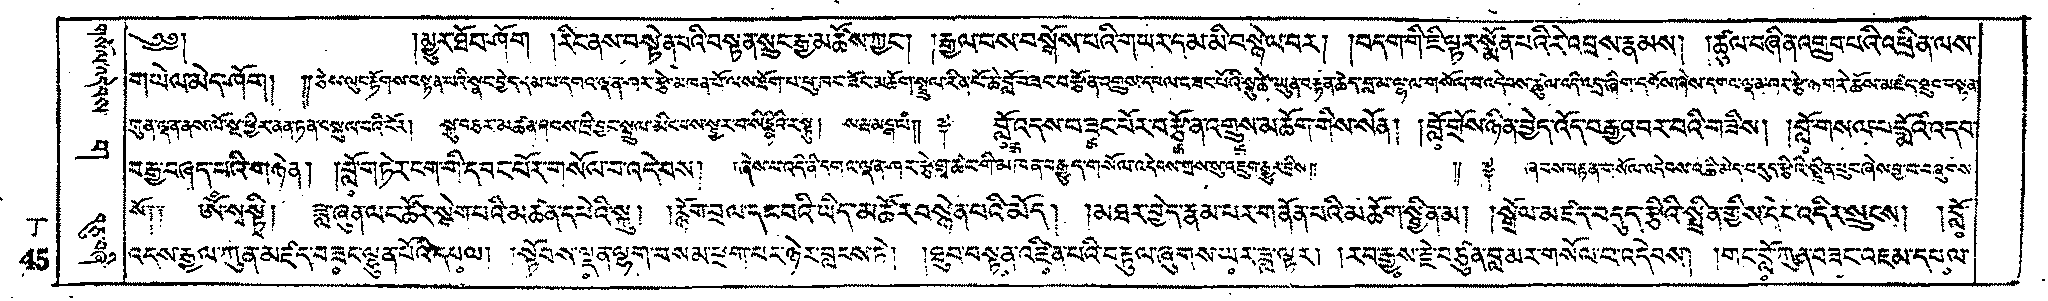༄༅། །མྱུར་ཐོབ་ཤོག །རིང་ནས་བསྟེན་པའི་བསྟན་སྲུང་རྒྱ་མཚོས་ཀྱང་། །རྒྱལ་བས་བསྒོས་པའི་གཡར་དམ་མི་བསྙེལ་བར། །བདག་གི་ཇི་ལྟར་སྨོན་པའི་རེ་འབྲས་རྣམས། །ཚུལ་བཞིན་འགྲུབ་པའི་འཕྲིན་ལས་
གཡེལ་མེད་ཤོག། །།ཅེས་ལུང་རྟོགས་བསྟན་པའི་སྣང་བྱེད་དམ་པ་དགའ་ལྡན་ཤར་རྩེ་མཁན་པོ་ལས་ཐོག་པ་ཕུ་ཁང་ཟོང་མཆོག་སྤྲུལ་རིན་པོ་ཆེ་བློ་བཟང་བརྩོན་འགྲུས་དཔལ་བཟང་པོའི་སྐུ་ཚེ་ཡུན་བརྟན་ཆེད་བླ་མ་ལྷ་ལ་གསོལ་བ་འདེབས་ཚུལ་འདི་འདྲ་ཞིག་དགོས་ཞེས་དགའ་ལྡན་ཤར་རྩེ་ཉག་རེ་ཆོས་མཛད་ཐུབ་བསྟན་
ཀུན་ལྡན་ནས་ལོ་སྔ་ཕྱིར་ནན་ཏན་བསྐུལ་བའི་ངོར། སྐུ་བཅར་མཚན་ཞབས་ཁྲི་བྱང་སྤྲུལ་མིང་པས་སྦྱར་བ་སིདྡྷིའི་ར་སྟུ། སརྦ་མངྒ་ལཾ།། འ་བློ་འདས་བཟང་པོར་བརྩོན་འགྲུས་མཆོག་གིས་སོན། །བློ྾་གྲོས་ཉིན་བྱེད་འོད་བརྒྱ་འབར་བའི་གཟིས། །བློ྾་གསལ་པདམོའི་འདབ་
བརྒྱ་བཞད་པའི་གཉེན། །བློ྾་གཏེར་ངག་གི་དབང་པོར་གསོལ་བ་འདེབས། །ཞེས་པ་འདི་ནི་དགའ་ལྡན་ཤར་རྩེ་གྲྭ་ཚང་གི་མཁན་བརྒྱུད་གསོལ་འདེབས་གྲས་སུ་འཇུག་རྒྱུར་བྲིས།། །། འ་ཞབས་བརྟན་གསོལ་འདེབས་འཆི་མེད་བདུད་རྩིའི་སྤྲིན་ཕུང་ཞེས་བྱ་བ་བཞུགས་
སོ༑༑ ཨོཾ་སྭསྟྭི། ཟླ་ཞུན་ལང་ཚོར་སྒེག་པའི་མཚན་དཔེའི་སྐུ། །རྙོག་བྲལ་དང་བའི་ཡིད་མཚོར་བསྙེན་པའི་མོད། །མཐར་བྱེད་རྣམ་པར་གནོན་པའི་མཆོག་སྦྱིན་མ། །སྒྲོལ་མཛད་བདུད་རྩིའི་སྤྲིན་གྱིས་དེང་འདིར་སྲུངས། །བློ྾་
འདས་རྒྱལ་ཀུན་མཛད་བཟང྾་ལྷུན་པོའི་དཔལ྾། །སྟོབས་ལྡན྾་ལྷག་བསམ་ཕྲག་པར་ཉེར་བླངས་ཏེ། །ཐུབ་བསྟན྾་འཛིན྾་པའི་བརྟུལ་ཞུགས་ཡར྾་ཟླ་ལྟར། །རབ་རྒྱས྾་རྗེ་བཙུན་བླ་མར་གསོལ་བ་འདེབས། །གང་བློ྾་ཀུན་བཟང་འཇམ་དཔལ྾་